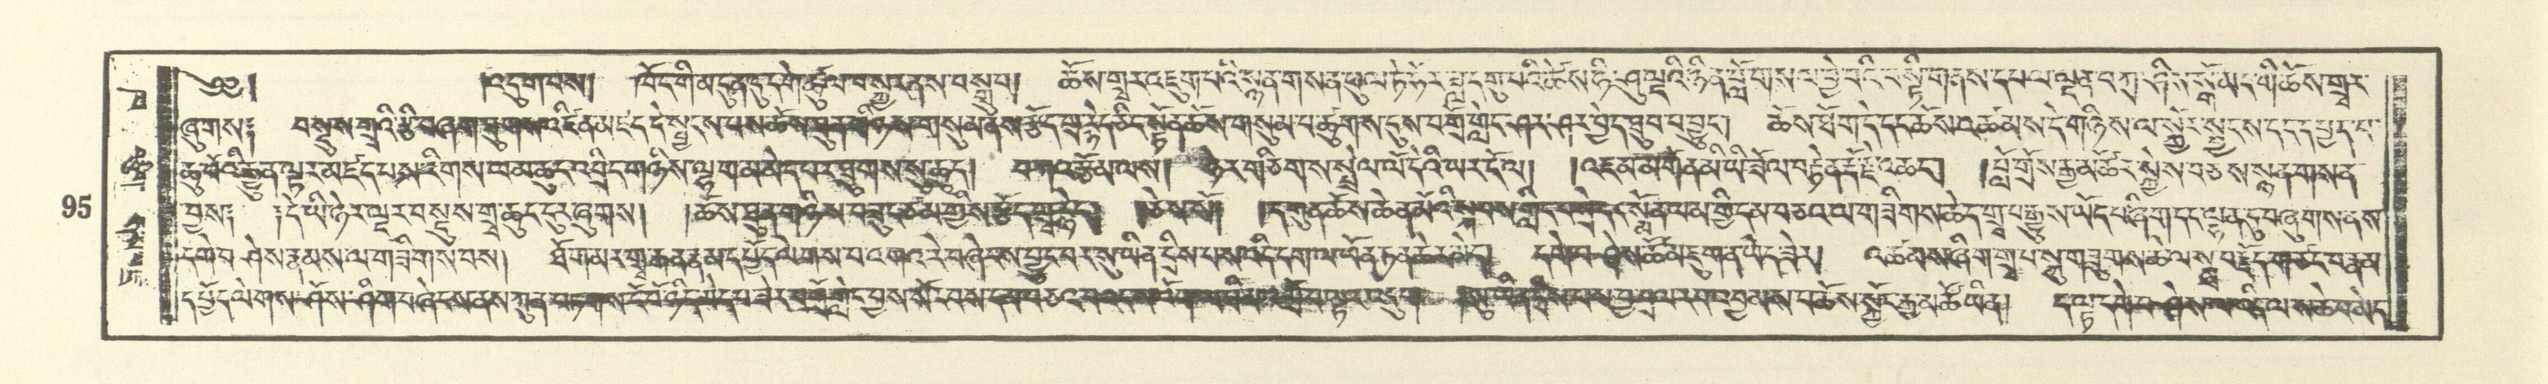༄༅། །འདུག་པས། ཁོང་གི་མདུན་དུ་དགེ་ཚུལ་བསྐྱར་ནས་བསྒྲུབ། ཆོས་གྲྭར་འཇུག་པའི་ལྷན་གསན་ཕུལ་ཏེ་ཧོར་ཟླ་དགུ་པའི་ཚེས་ཉི་ཤུ་ལྡའི་ཉིན་བློ་གསལ་བྱེ་བའི་བསྟི་གནས་དཔལ་ལྡན་བཀྲ་ཤིས་སྒོ་མང་གི་ཆོས་གྲྭར་
ཞུགས༑ བསྡུས་གྲྭའི་རྩི་བཞག་ཐུགས་འཛིན་མཛད་དེ་སྦྱངས་པས་ཆོས་ཐུན་གཉིས་གསུམ་ནས་རྩོད་གྲ་རྙེད་ཅིང་སྟོན་ཆོས་གསུམ་པ་ཚུགས་དུས་བགྲོ་གླེང་ཤར་ཤར་བྱེད་ཐུབ་བ་བྱུང་། ཆོས་ཐོག་དེ་དང་ཆོས་འཚམས་དེ་གཉིས་ལ་སྐྱོར་སྦྱངས་དང་དཔྱད་པ་
ཆུ་བོའི་རྒྱུན་ལྟར་མཛད་བས་རིགས་ལ་མ་ཆུང་འབྲིད་གཉིས་ལྷག་མ་མེད་བར་ཐུགས་སུ་ཆུད། བཀའ་རྩོམ་ལས། ཉེར་གཅིག་ས་སྤྲེལ་ལོ་དེའི་ཡར་དོ་ལ། །འཇམ་མགོན་མི་ཡི་ཟོལ་བརྟེན་རྡོ་རྗེ་འཆང་། །བློ་གྲོས་རྒྱ་མཚོར་སྐྱེས་བཅས་སྙན་གསན་
བྱས༑ ༑དེ་ཡི་ཉེར་ལྔར་བསྡུས་གྲྭ་ཆུང་དུར་ཞུགས། །ཆོས་ཐུན་གཉིས་བཟུང་ཙམ་གྱིས་རྩོད་གྲྭ་རྙེད། །ཅེས་སོ། །དགུན་ཆོས་ཆེན་མོའི་སྐབས་གླིང་བསྲེ་དང་སྨོན་ལམ་གྱི་དམ་བཅའ་ལ་གཟིགས་ཆེད་གྲྭ་པ་རྒྱུས་ཡོད་པ་ཞིག་དང་ལྷན་དུ་བཞུགས་ནས་
དགེ་བཤེས་རྣམས་ལ་གཟིགས་བས། ཐོག་མར་གྲྭ་རྒན་རྣམས་དཔྱོད་ལེགས་པ་འགའ་རེ་བཞེངས་བྱུང་བར་སུ་ཡིན་དྲིས་པས་འདི་དག་ལ་ཡོན་ཏན་ཆེར་མེད། དགེ་བཤེས་ཚོ་མཇུག་ན་ཡོད་ཟེར། འཚམས་ཞིག་གྲྭ་པ་སྐུ་གཟུགས་ཆེ་ལ་སྨྲ་བརྗོད་གཙང་བ་རྣམ་
དཔྱོད་ལེགས་ཤོས་ཤིག་བཞེངས་ནས་ཀུན་བཏགས་ངོ་བོ་ཉིད་མེད་པ་ཟེར་བགྲོ་གླེང་བྱས་སོར་བས་དམ་བཅའ་བའང་ས་འོག་ལ་ཐིམ་འགྲོ་བ་ལྟར་འདུག །སུ་ཡིན་དྲིས་པས་བྱ་བྲལ་རབ་འབྱམས་པ་ཆོས་སྐྱོང་རྒྱ་མཚོ་ཡིན། ད་ལྟ་དགེ་བཤེས་ལ་འདི་ལས་ཆེ་བ་མེད་